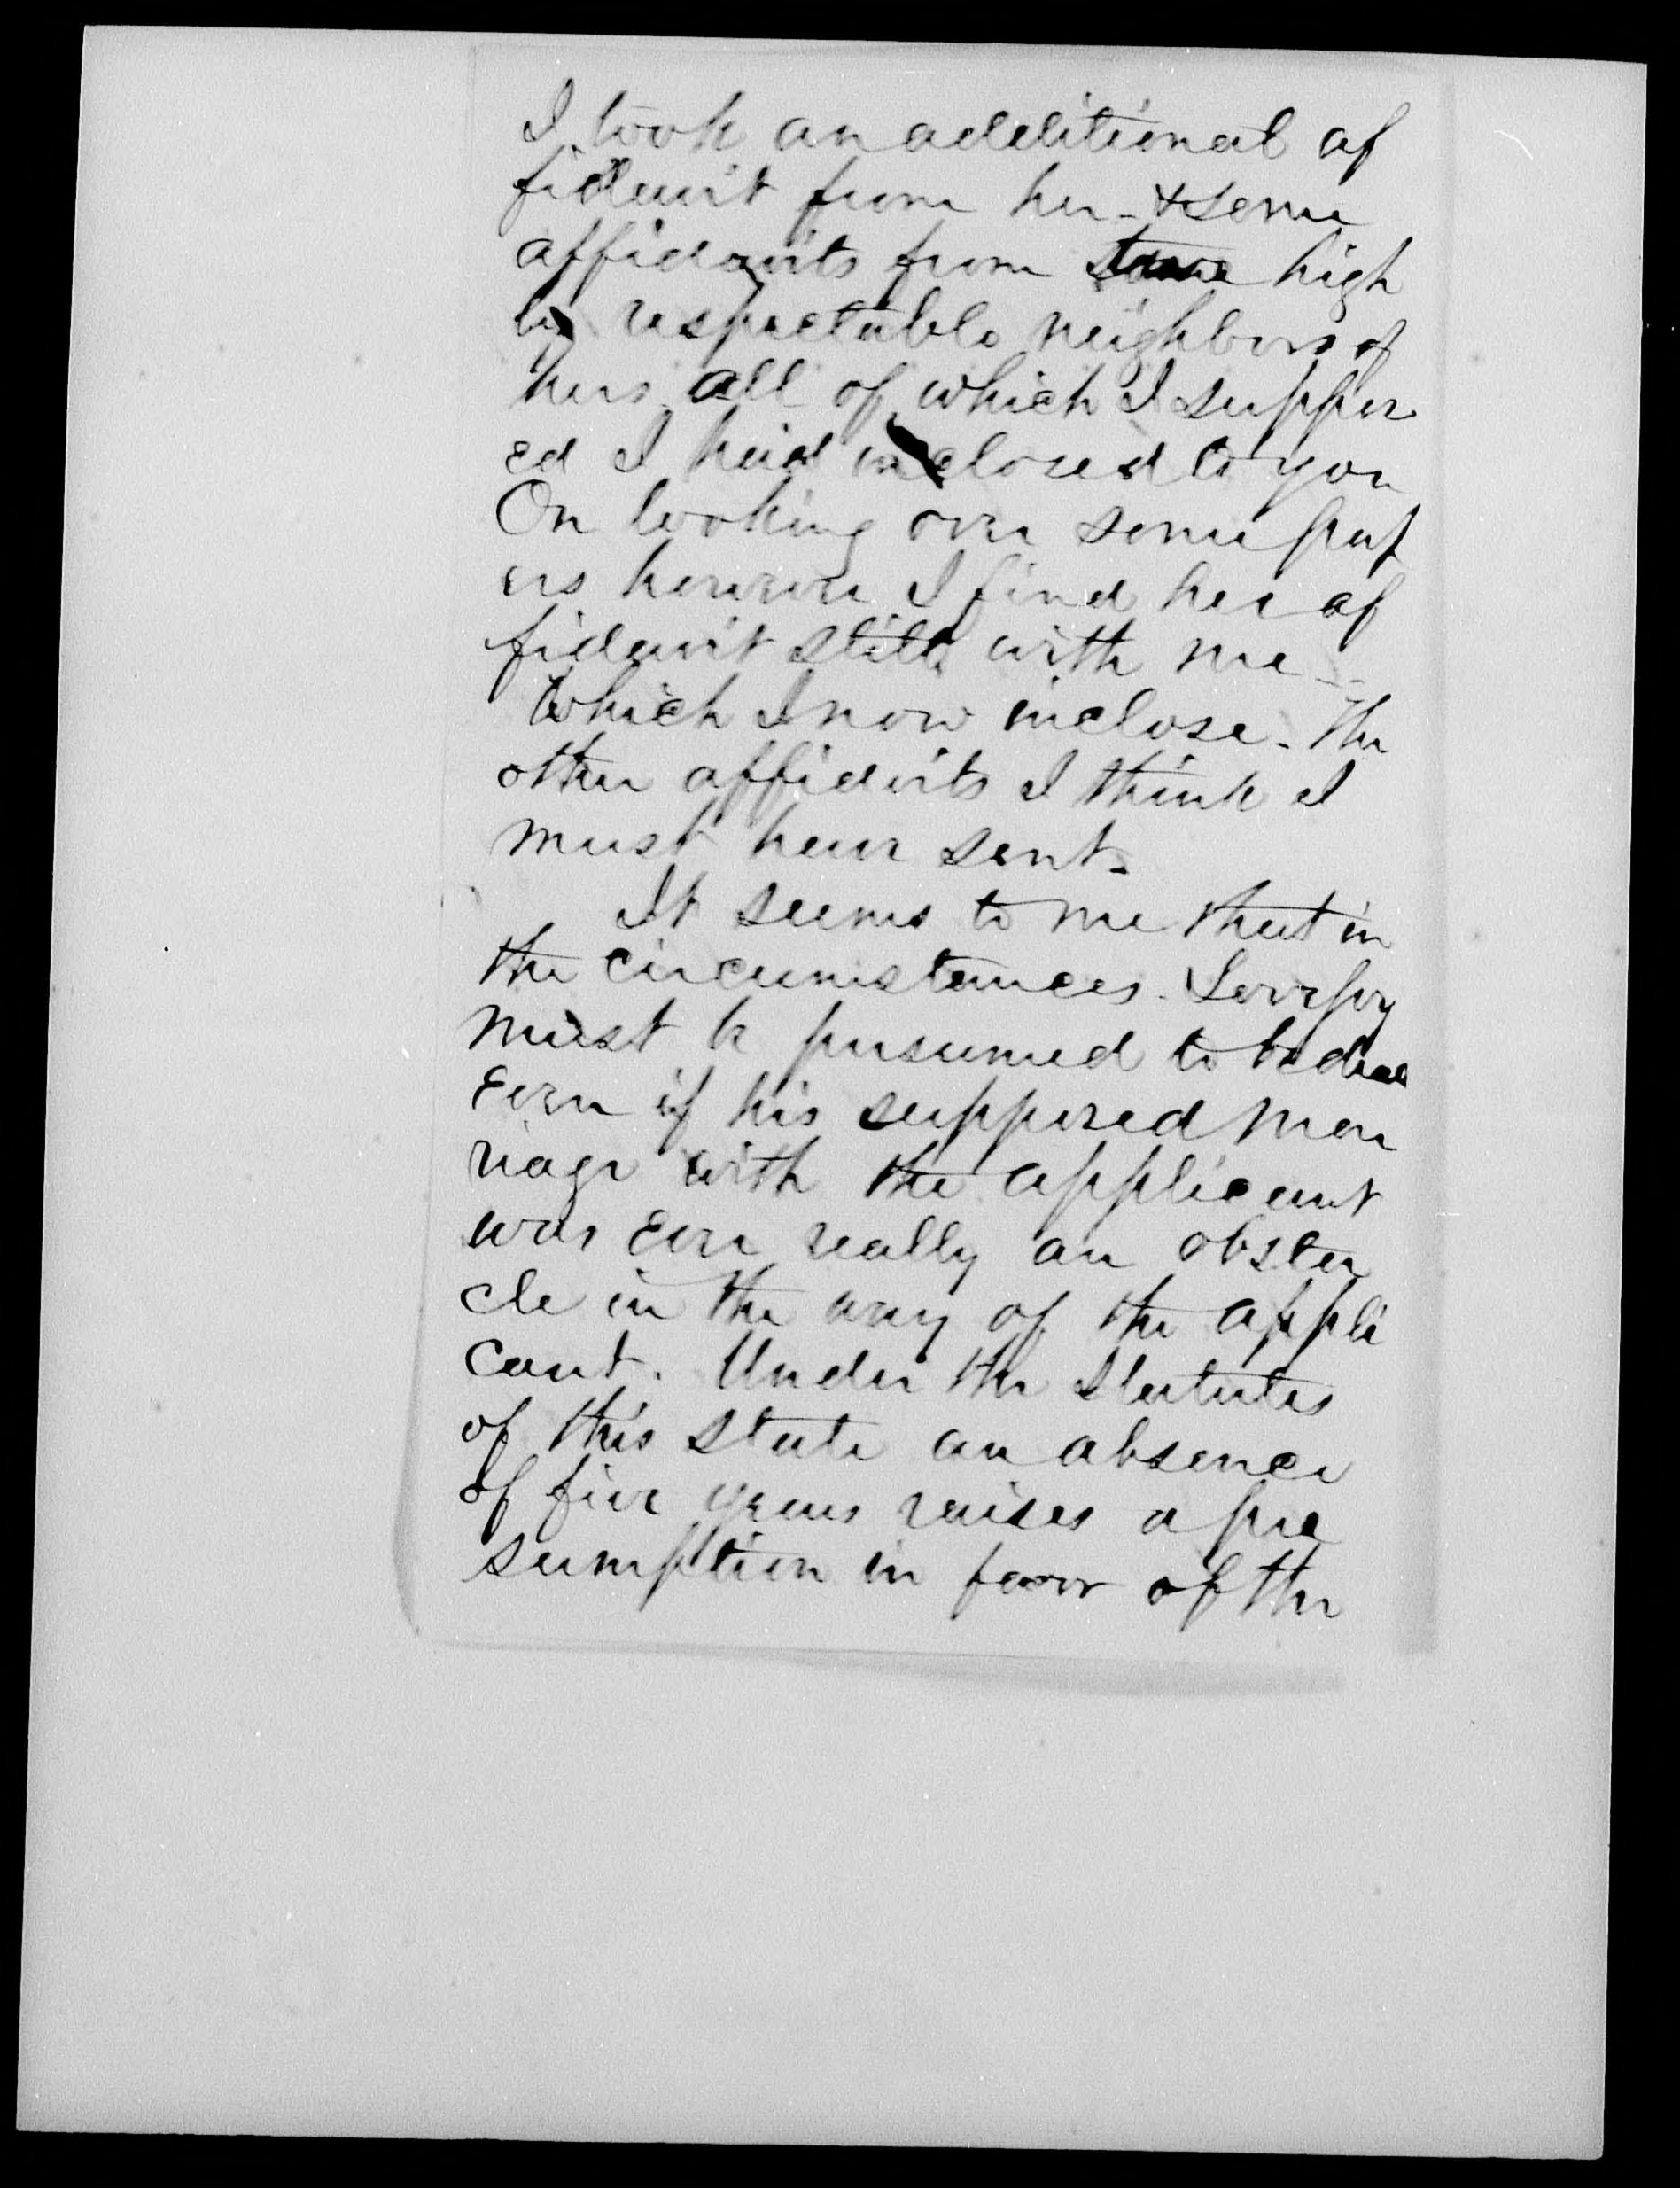I took an additional affidavit
 from her and some
affidavits from the highly
 respectable neighbors of
hers all of which I supered
I had enclosed to you
On looking over some pay
is here I find her of
fallen still with me
which I now enclose the
other affidavits I think I
must have sent
It seems to me that in
the circumstances hereby
must be presumed to be a
dealt of his supposed mere
wage with the applicant
we are really an obstacle
in the any of the applicant
 Under the Statute
of this State an absence
of five years raises a
presumption in favor of the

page: 30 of 41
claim: widow's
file: W. 9819, Nathaniel Cumings, Vt.